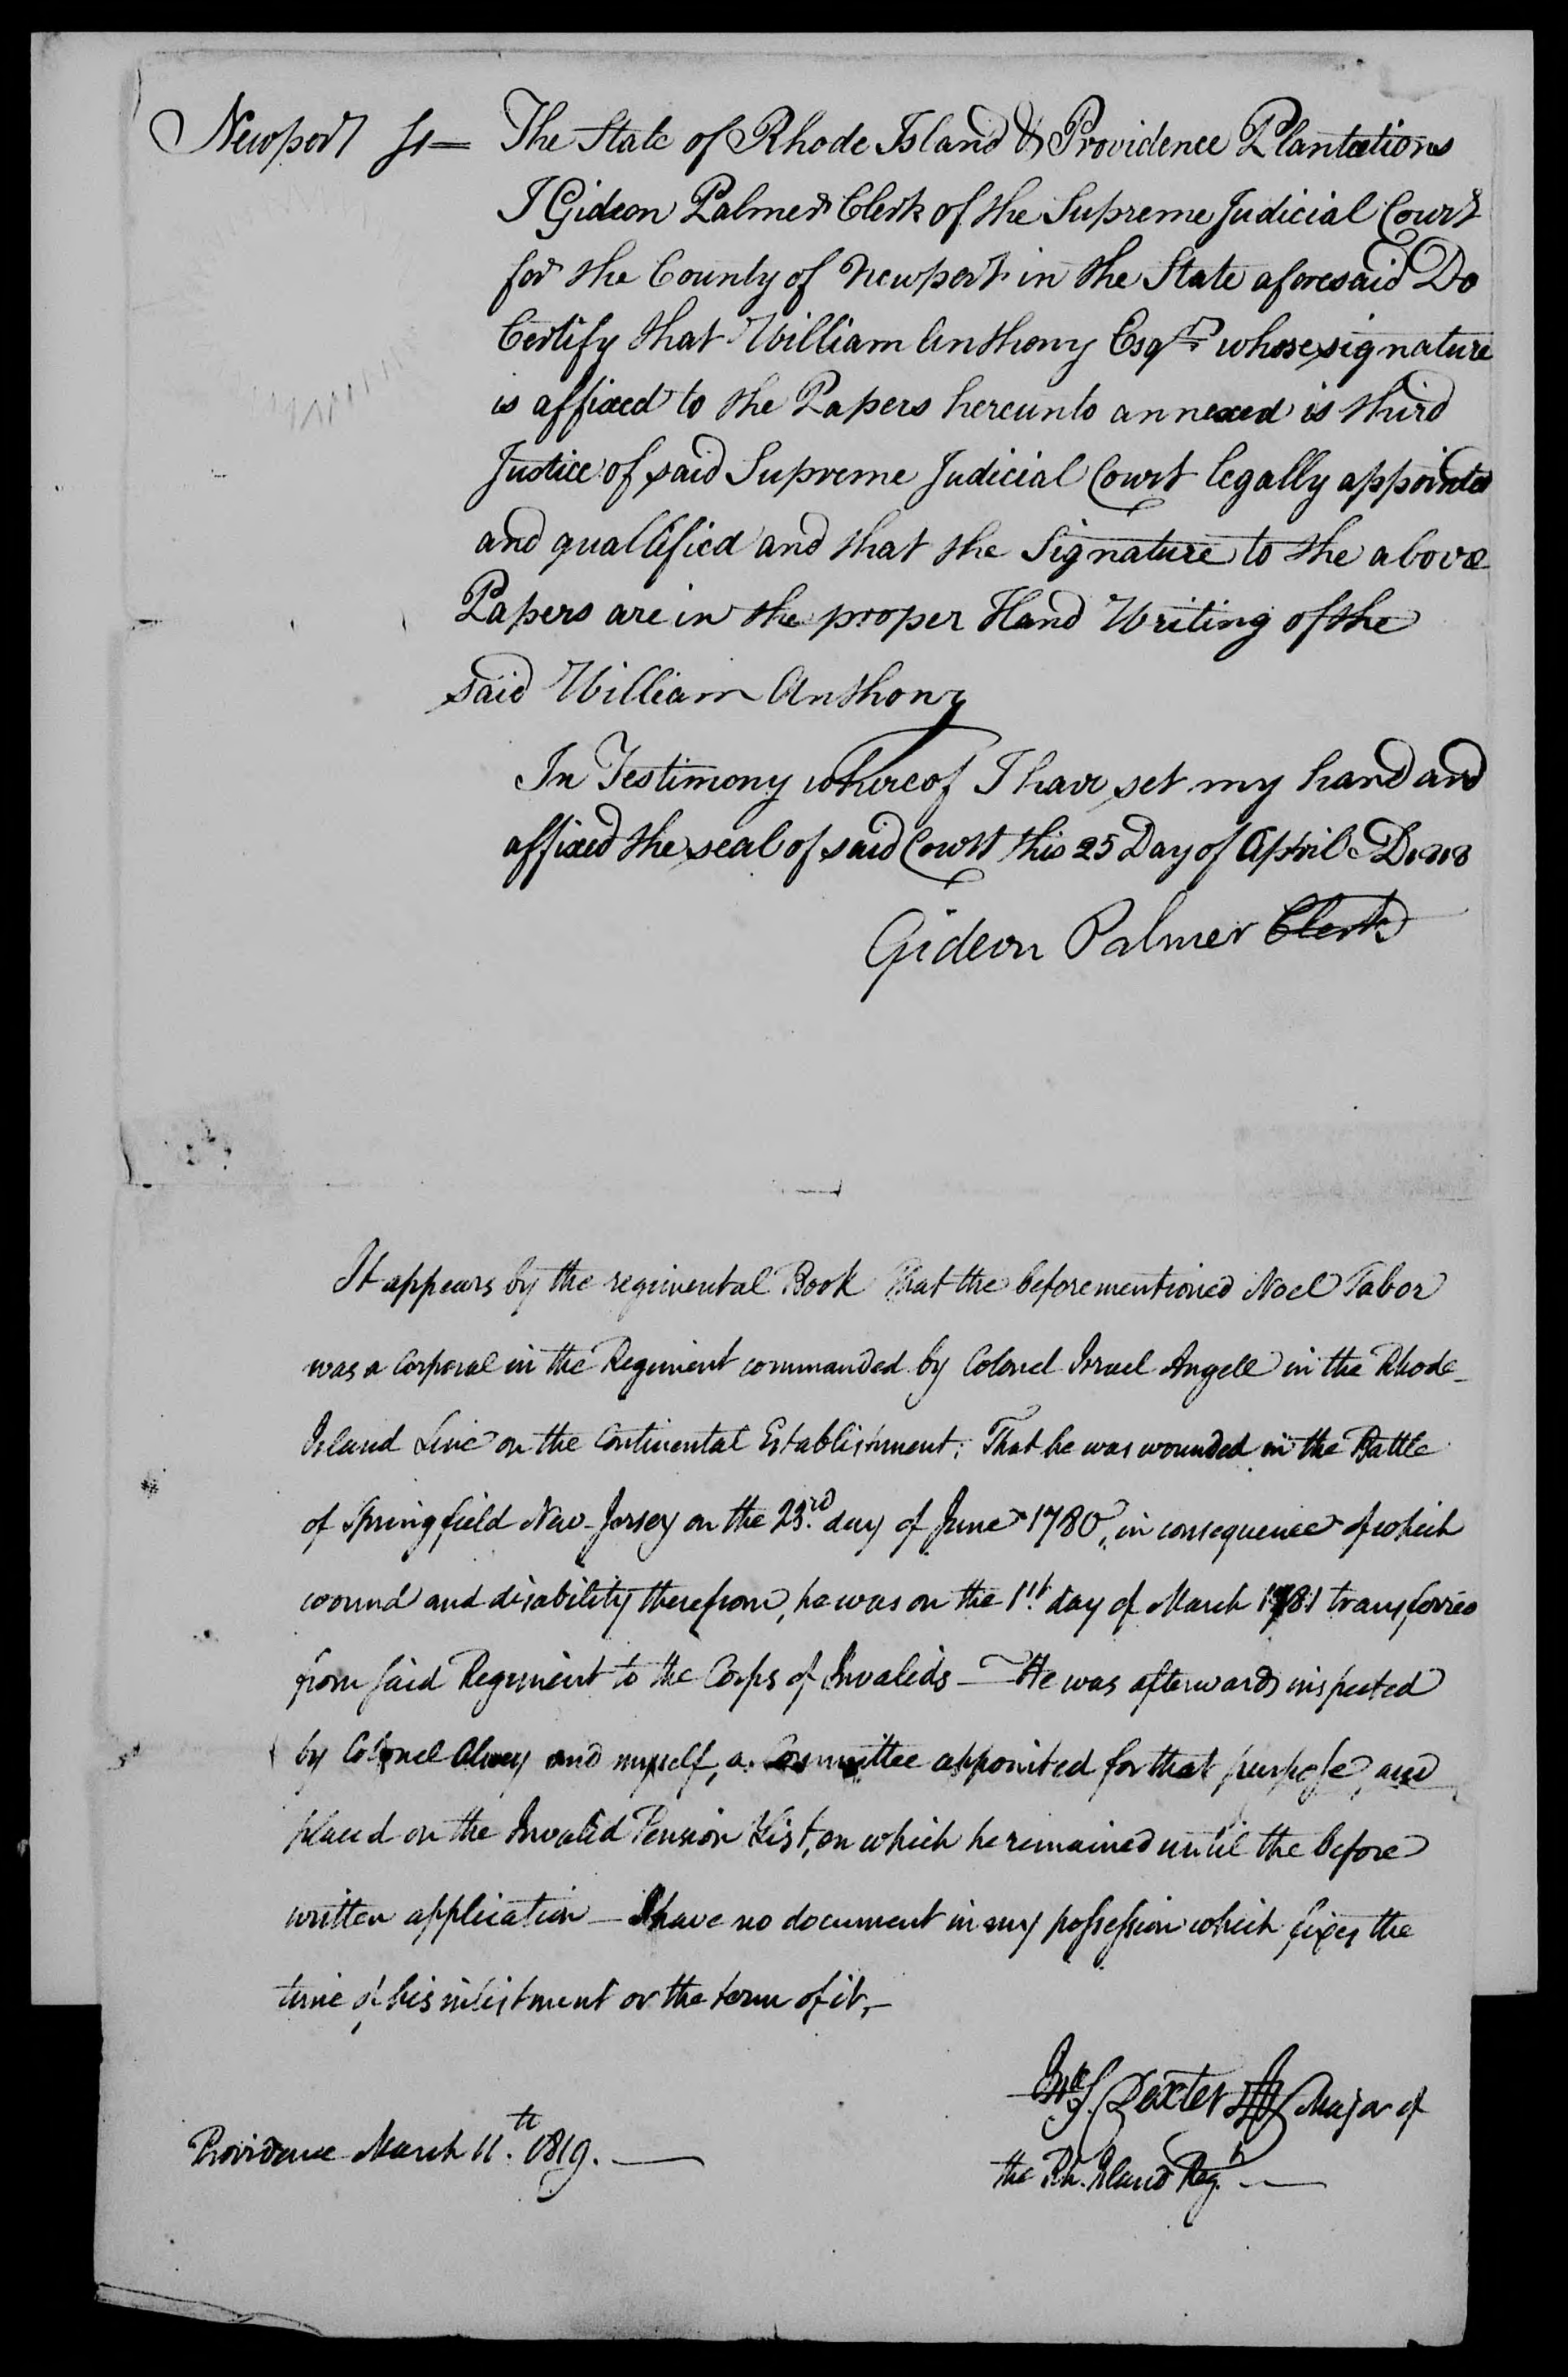Newport R I The State of Rhode Island & Providence Plantations
I Gideon Palmer Clerk of the Supreme Judicial Court
for the County of Newport in the State aforesaid Do
Certify that William Anthony Esq whose signature
is affixed to the Papers hereunto annexed is Thirs
Justice of said Supreme Judicial Court legally appointed
and quallified and that the signature to the above
Papers are in the proper Hand Writing of the
said William Anthony
In Testimoney whereof I have set my hand and
affixed the seal of said Court this 25 Day of April [illegible] 1818
Gideon Palmer Clerk
It appears by the regimental Book That the before mentined Noel Taber
was a corporal in the Regiment commaned by Colonel Israel Angell in the Rhode
Island Line on the Continental Establishment. That he was wounded in the Battleof Springfield New Jersey on the 23rd day of June 1780, inconsequent of which
wound and disabilitt therefrom he was on the 11th day of March 1781 transferred
from said Regiment to the Corps of Invalids He was afterwards inspected
by Colonel Alvery and myself a Committee appointed for that purpose as
Hand on the Invalid Pension List, on which he remained until the before 
written application I have no document in any [ilegible] which [illegible] the
time of his inferment or the form of it
[illegible] Dexter [illegible]
the Rho Island Reg
[illegible] March 11th 1819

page: 6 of 22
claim: survivor's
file: S 33777, for Noel Taber, Rhode Island